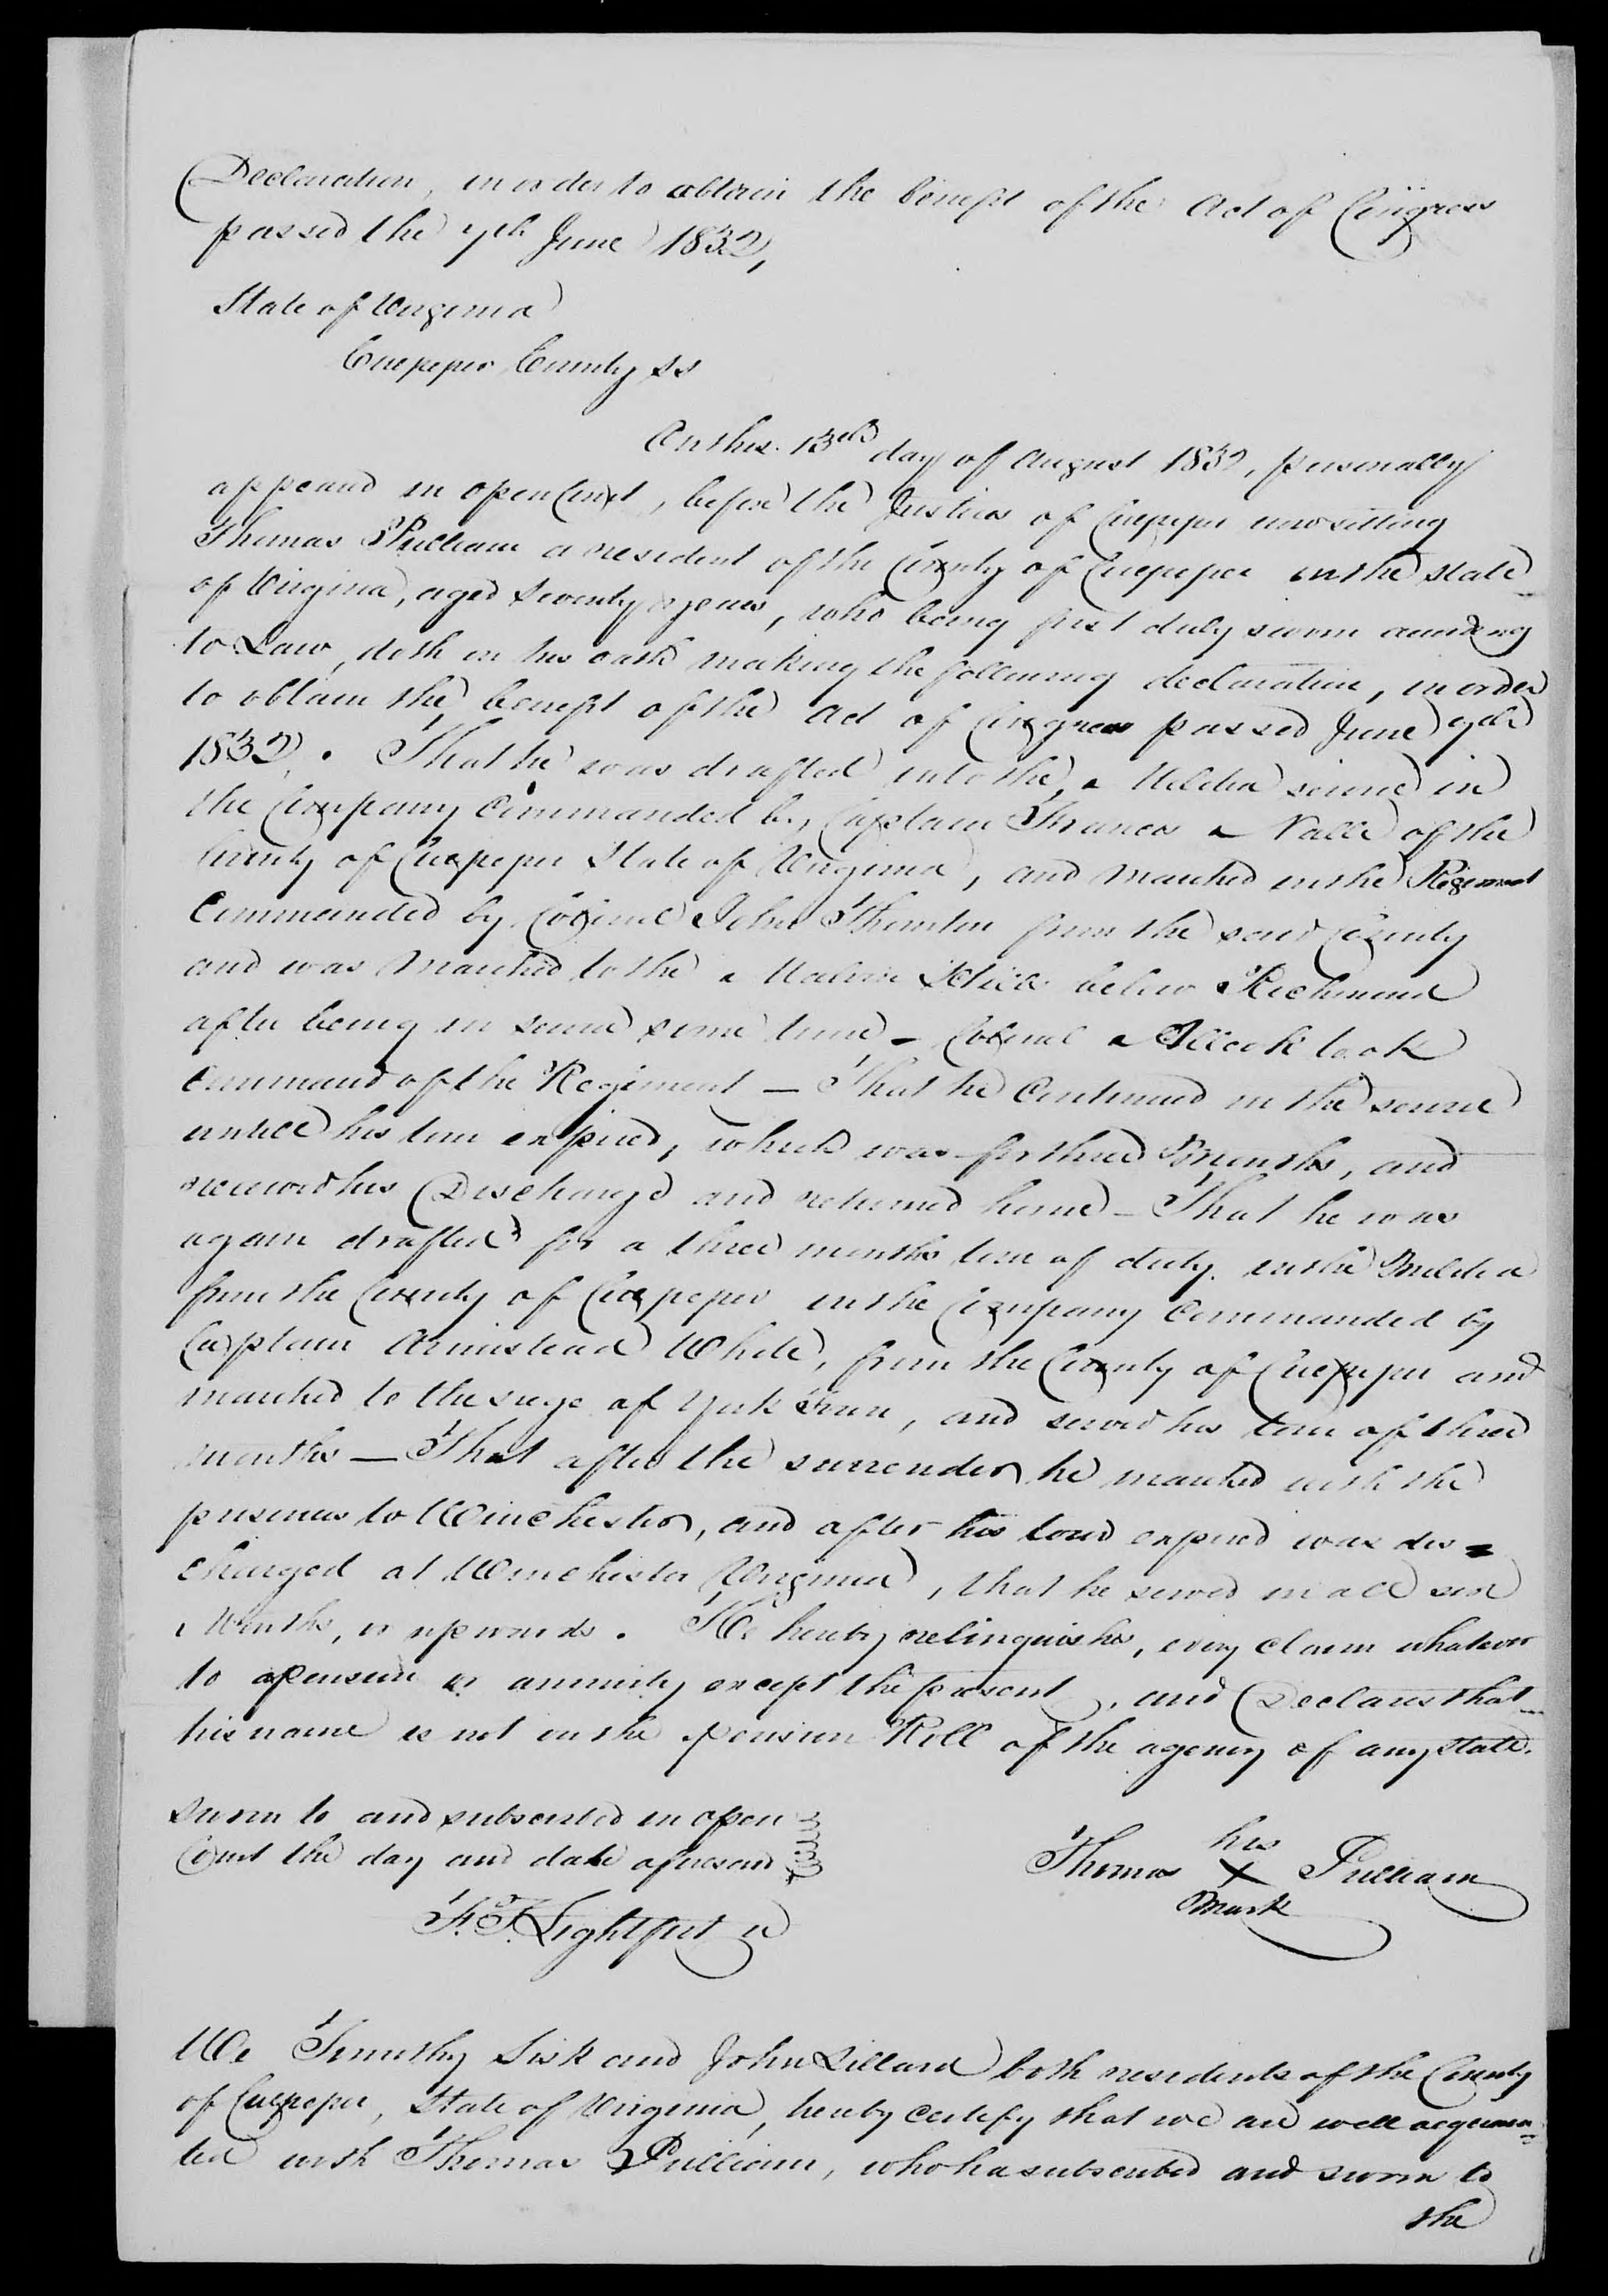Declaration, in order to obtain the benefit of the Act of Congress
passed the 7th June 1832,
State of Virginia
Culpeper County ss
On this 13th day of August 1832, personally
appeared in open Court, before the Justices of Culpeper now sitting
Thomas Pulliam a resident of the County of Culpeper in the State of
Virginia, aged Seventy years, who being first duly sworn according
to Law doth on his oath making the following declaration, in order
to obtain the benefit of the act of Congress passed June 7th
1832. That he was drafted into the Militia service in
the company commanded by Captain Frances Nalli of the
County of Culpeper state of Virginia, and marched in the Regiment
commanded by Colonel John Thornton from the said County
and was marched to the River below Richmond
after being in said some time - Col Allcock took
command of the Regiment - That he continued in the said
until his time expired, which was for three month, and
received his Discharge and returned home _ That he was
again drafted for a three months line of duty in the militia
from the County of Culpeper in the company commanded by
Captain Armistead White, from the County of Culpeper and
marched to the siege of York Town, and served his time of three
months - That after the surrender he marched with the
prisoners to Winchester, and after his tour expired was
discharged at Winchester, Virginia, that he served in all said
months, or upwards. He hereby relinquishes every claim whatever
to a pension or  an annuity except the present, and declares tht
his name is not on the pension Roll of the agency of any state.
Thomas X his mark Pulliam
Sworn to
and subscribed in open
Court the day and date aforesaid
F. T. Lightfoot

We Timothy Sisk and John Lillard both residents of the County
of Culpeper, State of Virginia, hereby certify that we are well 
acquainted with Thomas Pulliam, who has subscribed and sworn to
the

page: 4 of 27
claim: survivor's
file: S. 5,955, for Thomas Pulliam, Virginia